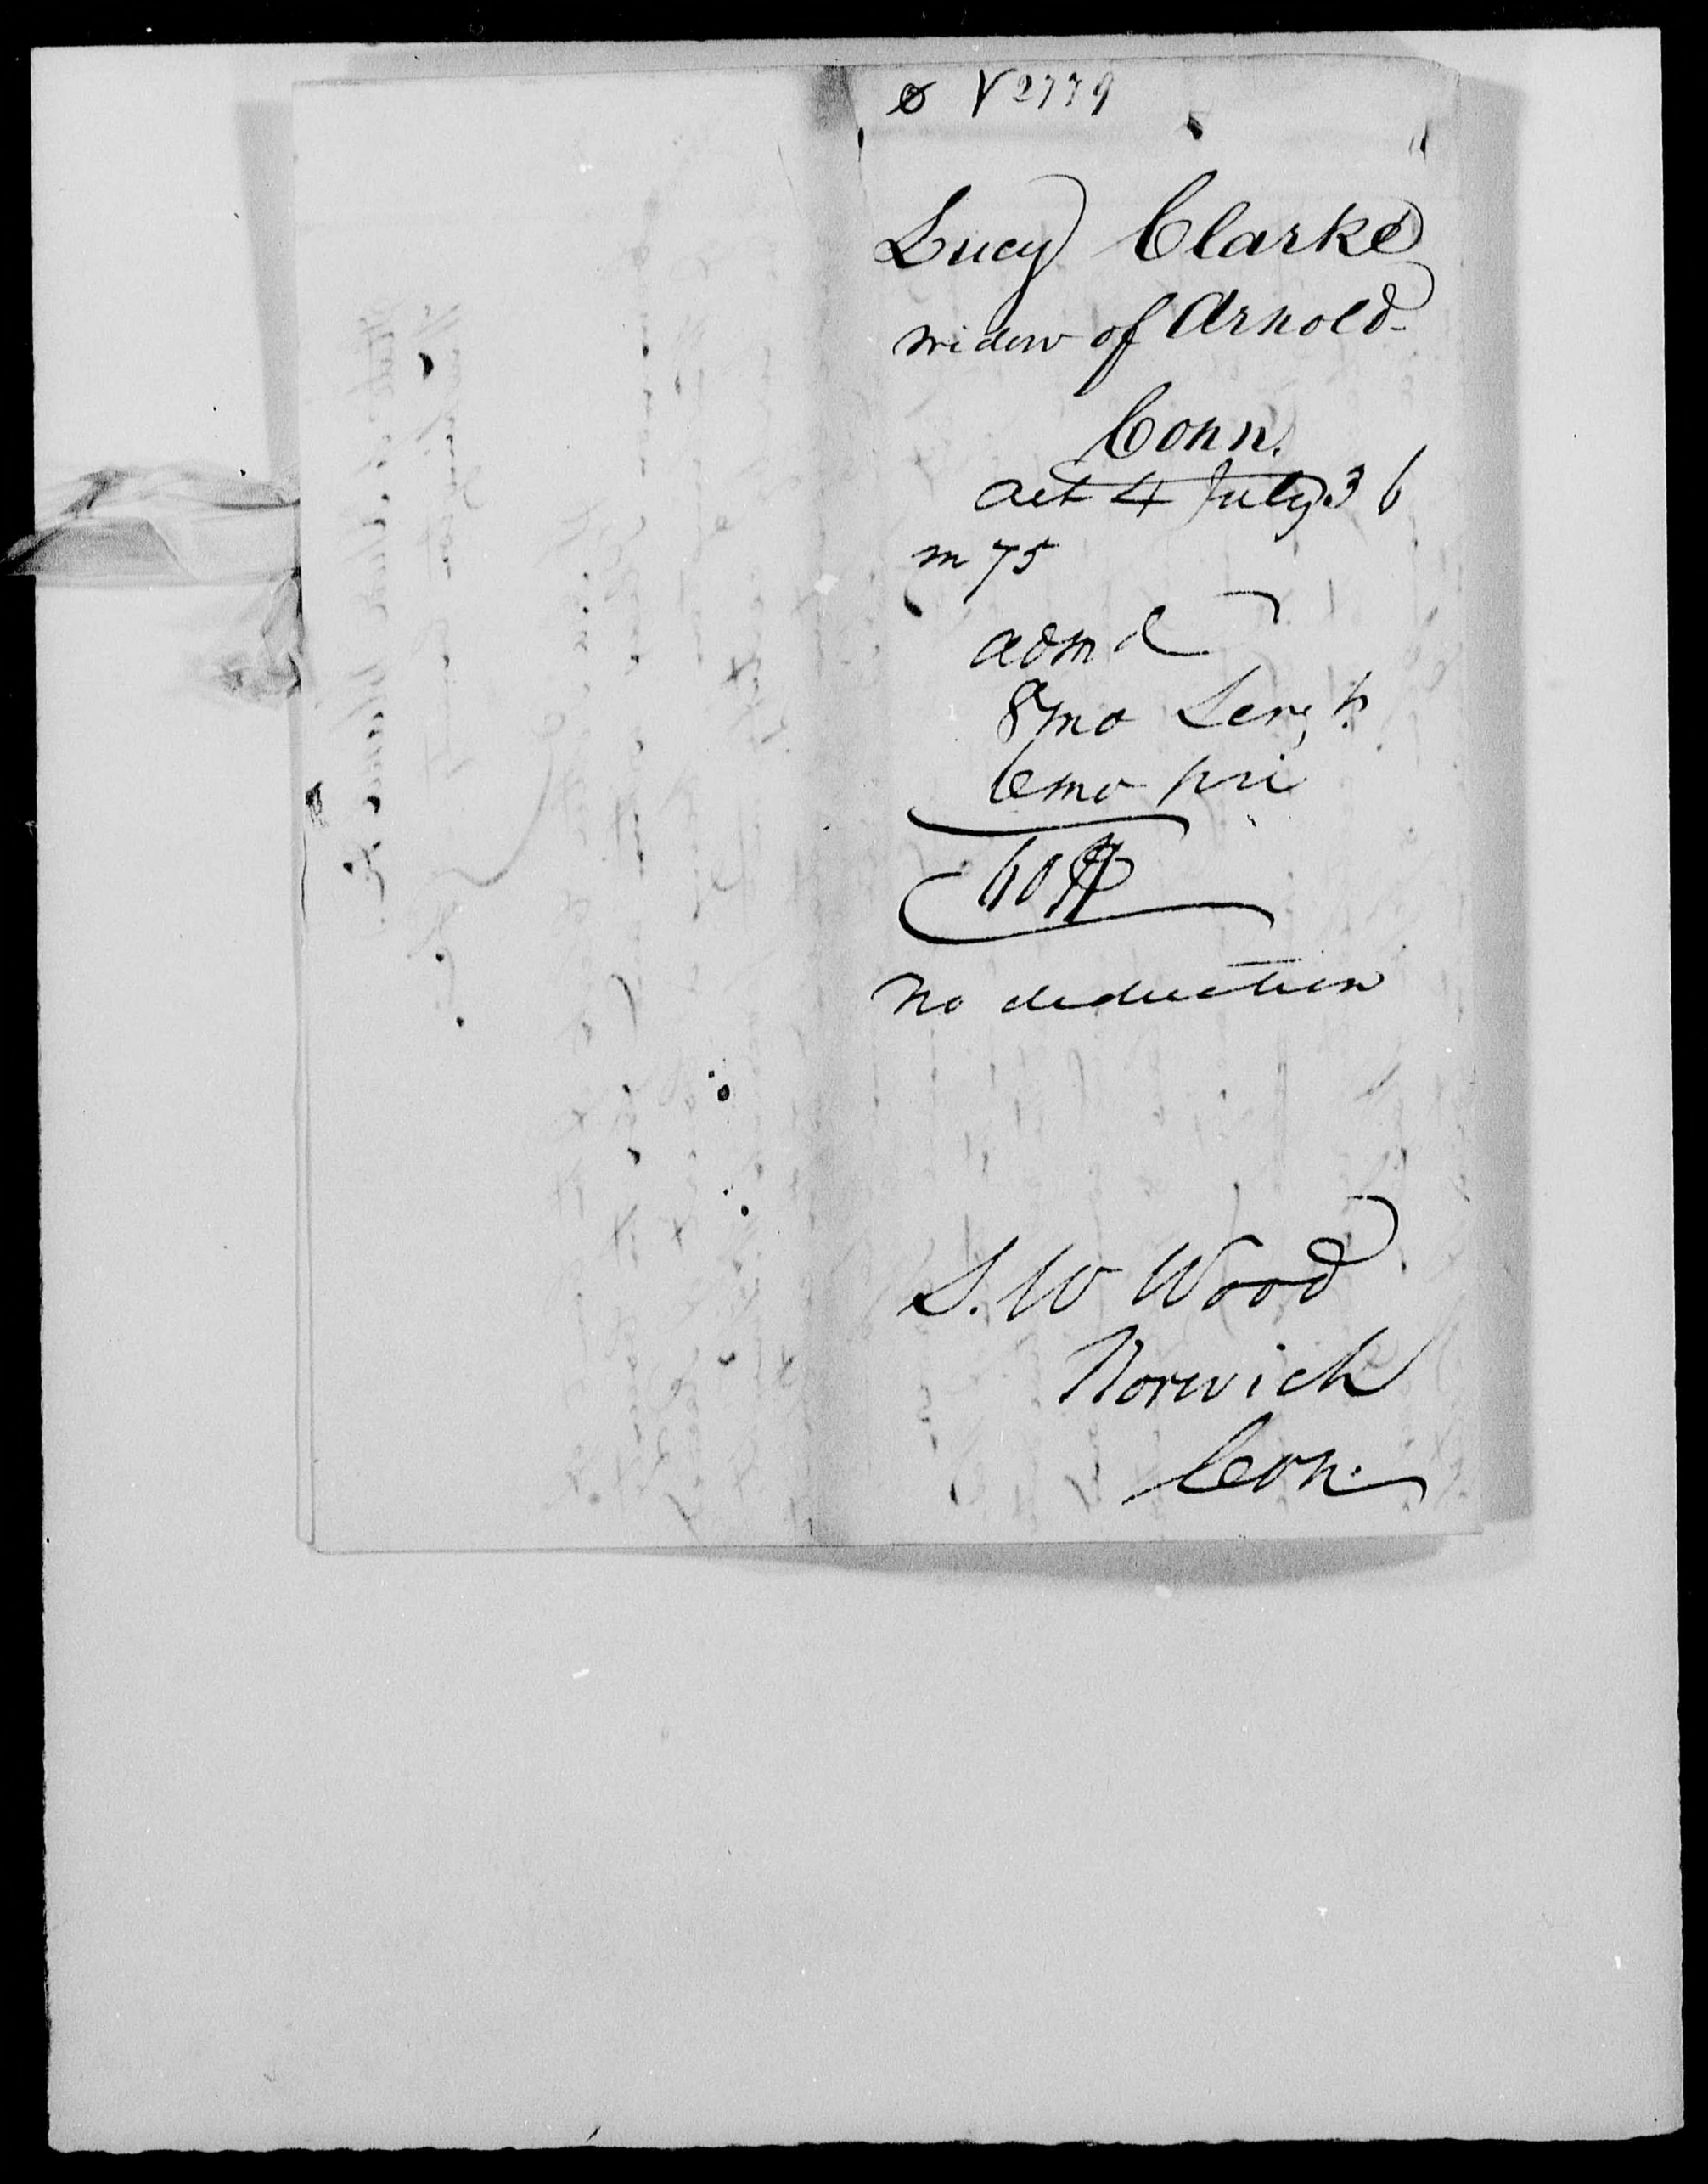0 V2779
Lucy Clarke widow of Arnold
Conn.
Act 4 July 36
m 75
admd
8 mo Sergt
6 mo pri
60$
no deduction

S.W. Wood
Norwich Con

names: Lucy Clarke, S W Wood, Arnold Clarke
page: 39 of 48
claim: widow's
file: W. 17,628, Arnold Clarke, R.I.